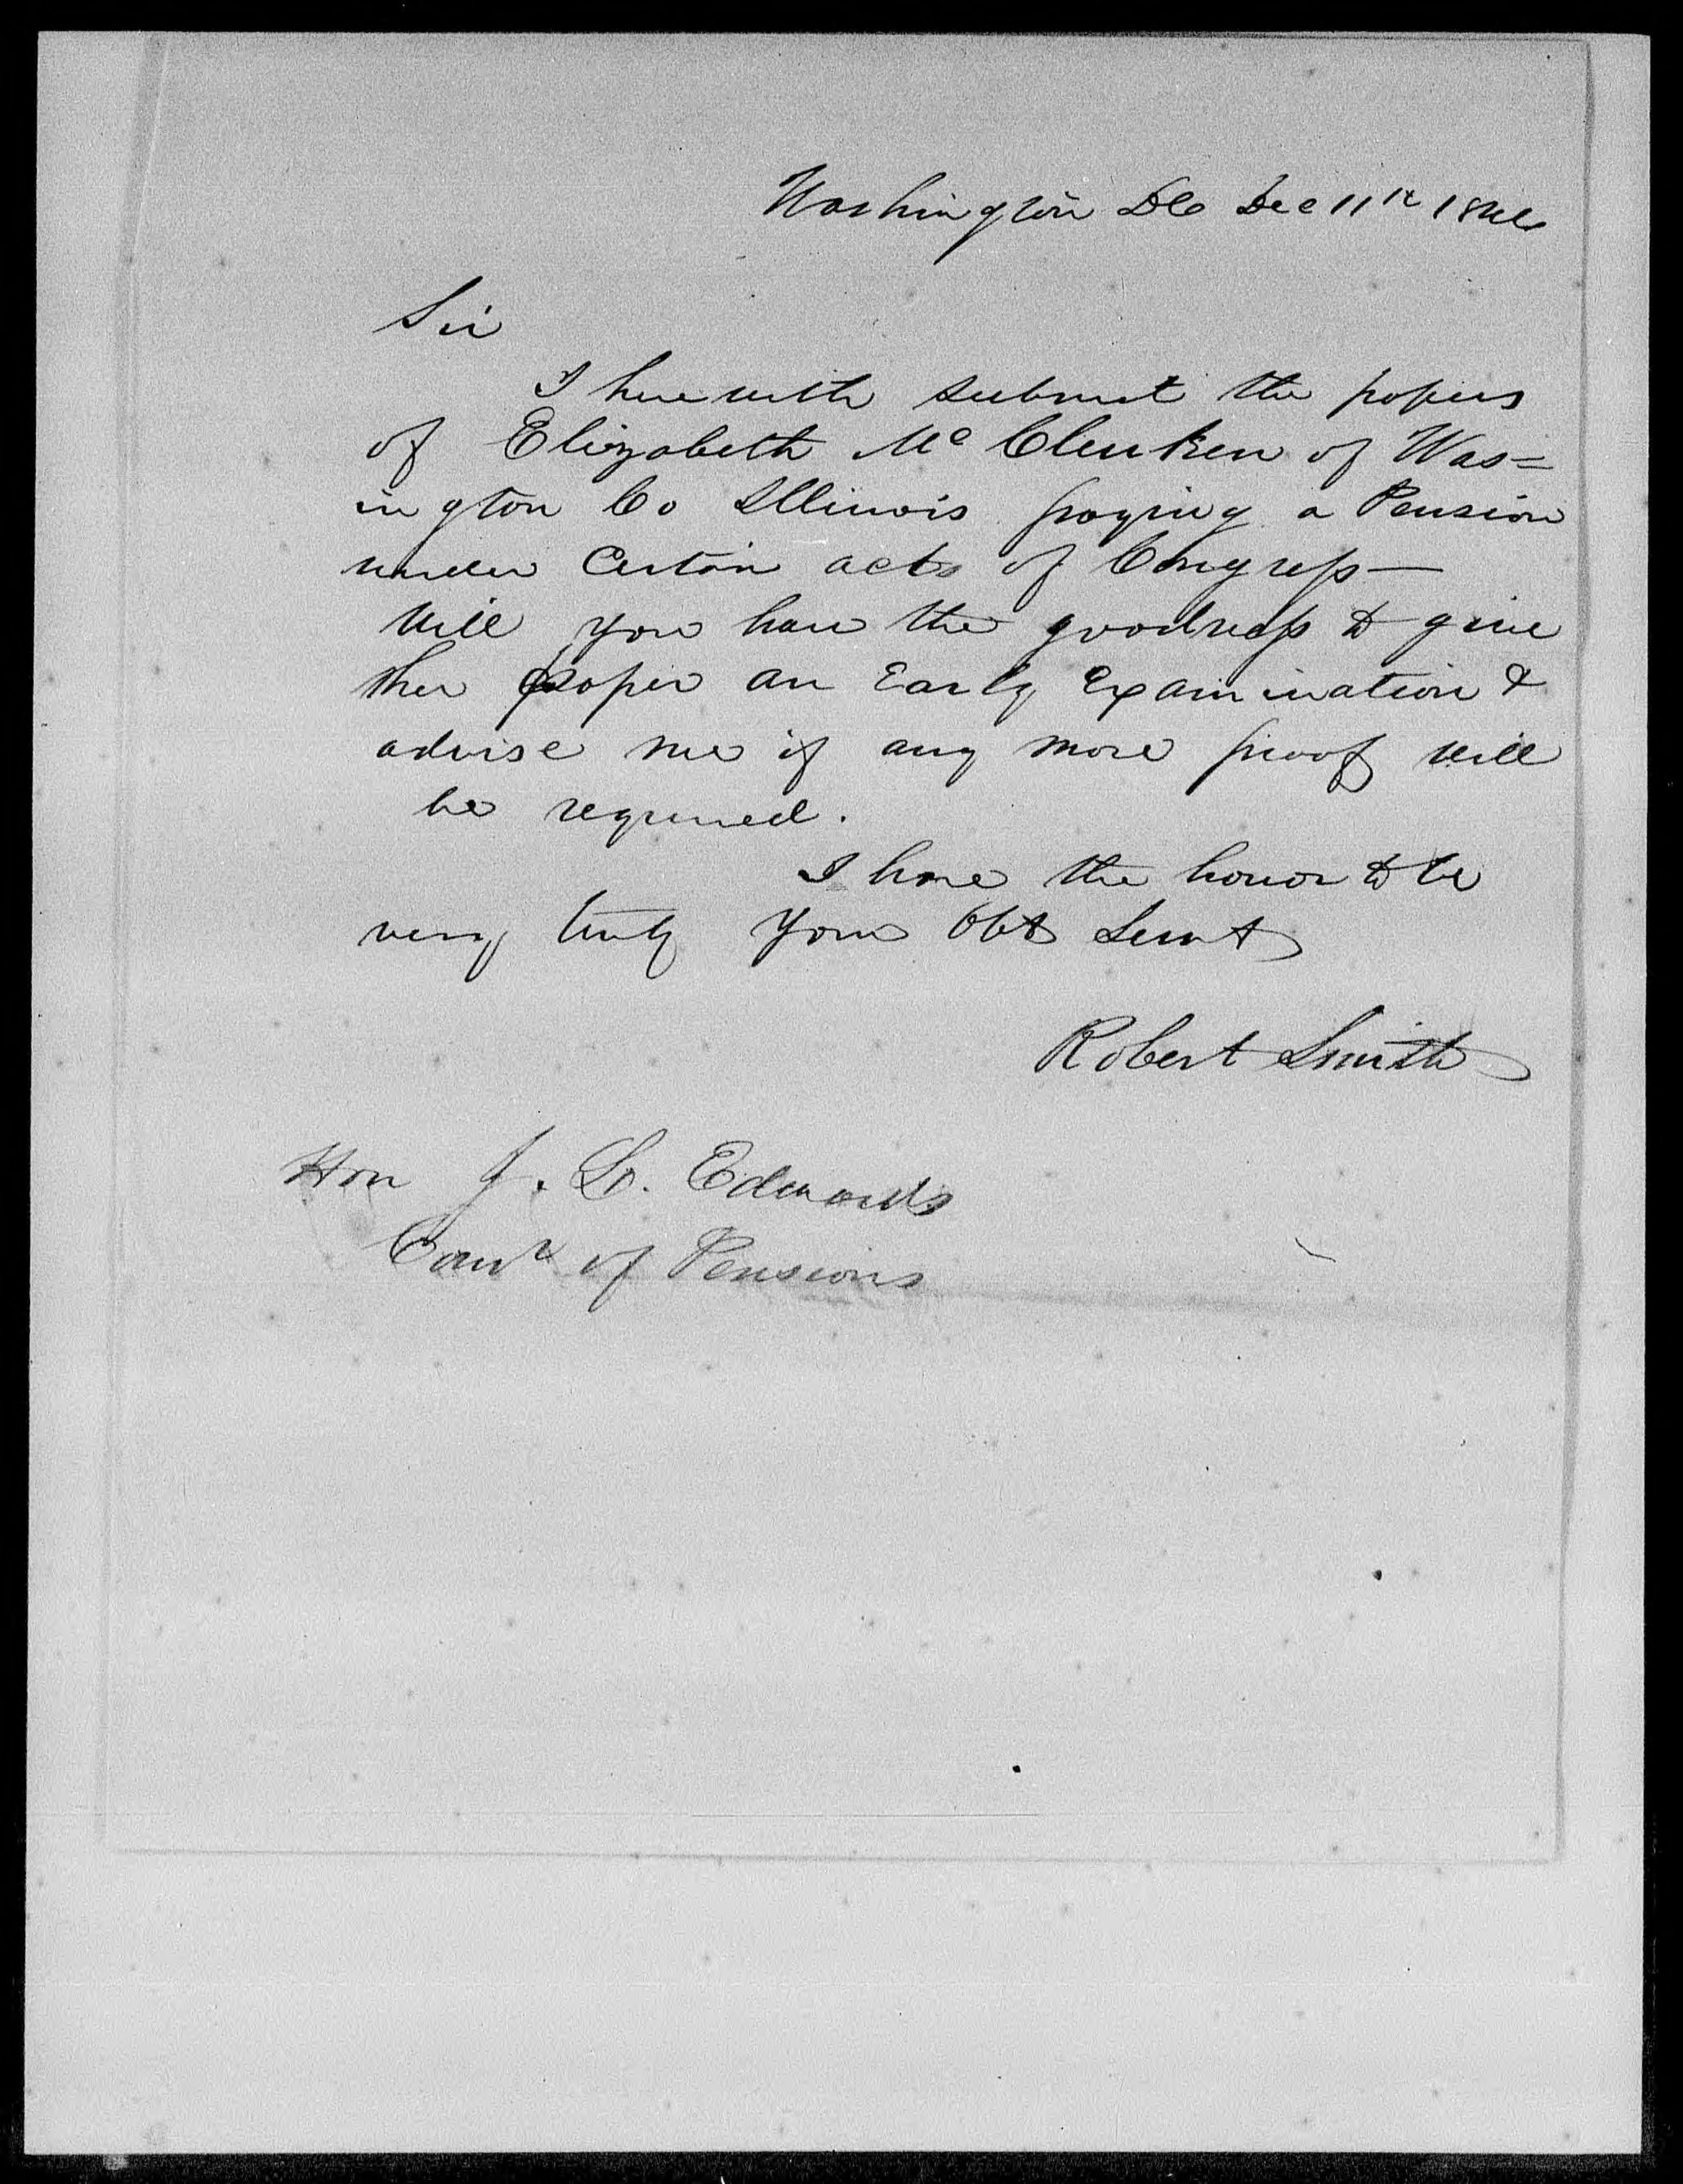Washington DC Dec 11th 1846

Sir
 
I herewith submit the papers of Elizabeth McClurkin of Washington Co Illinois paying a Pension under certain acts of Congress. 

Will you have the goodness to give her paper an early examination & advise me if be any more proof will required. 

I have the honor to be 
very truly Your Obt Servt, 
Robert Smith 

Hon J. L. Edwards 
Com of Pensions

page: 34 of 93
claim: widow's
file: W. 21792, for Thomas Mc Clurken, South Carolina